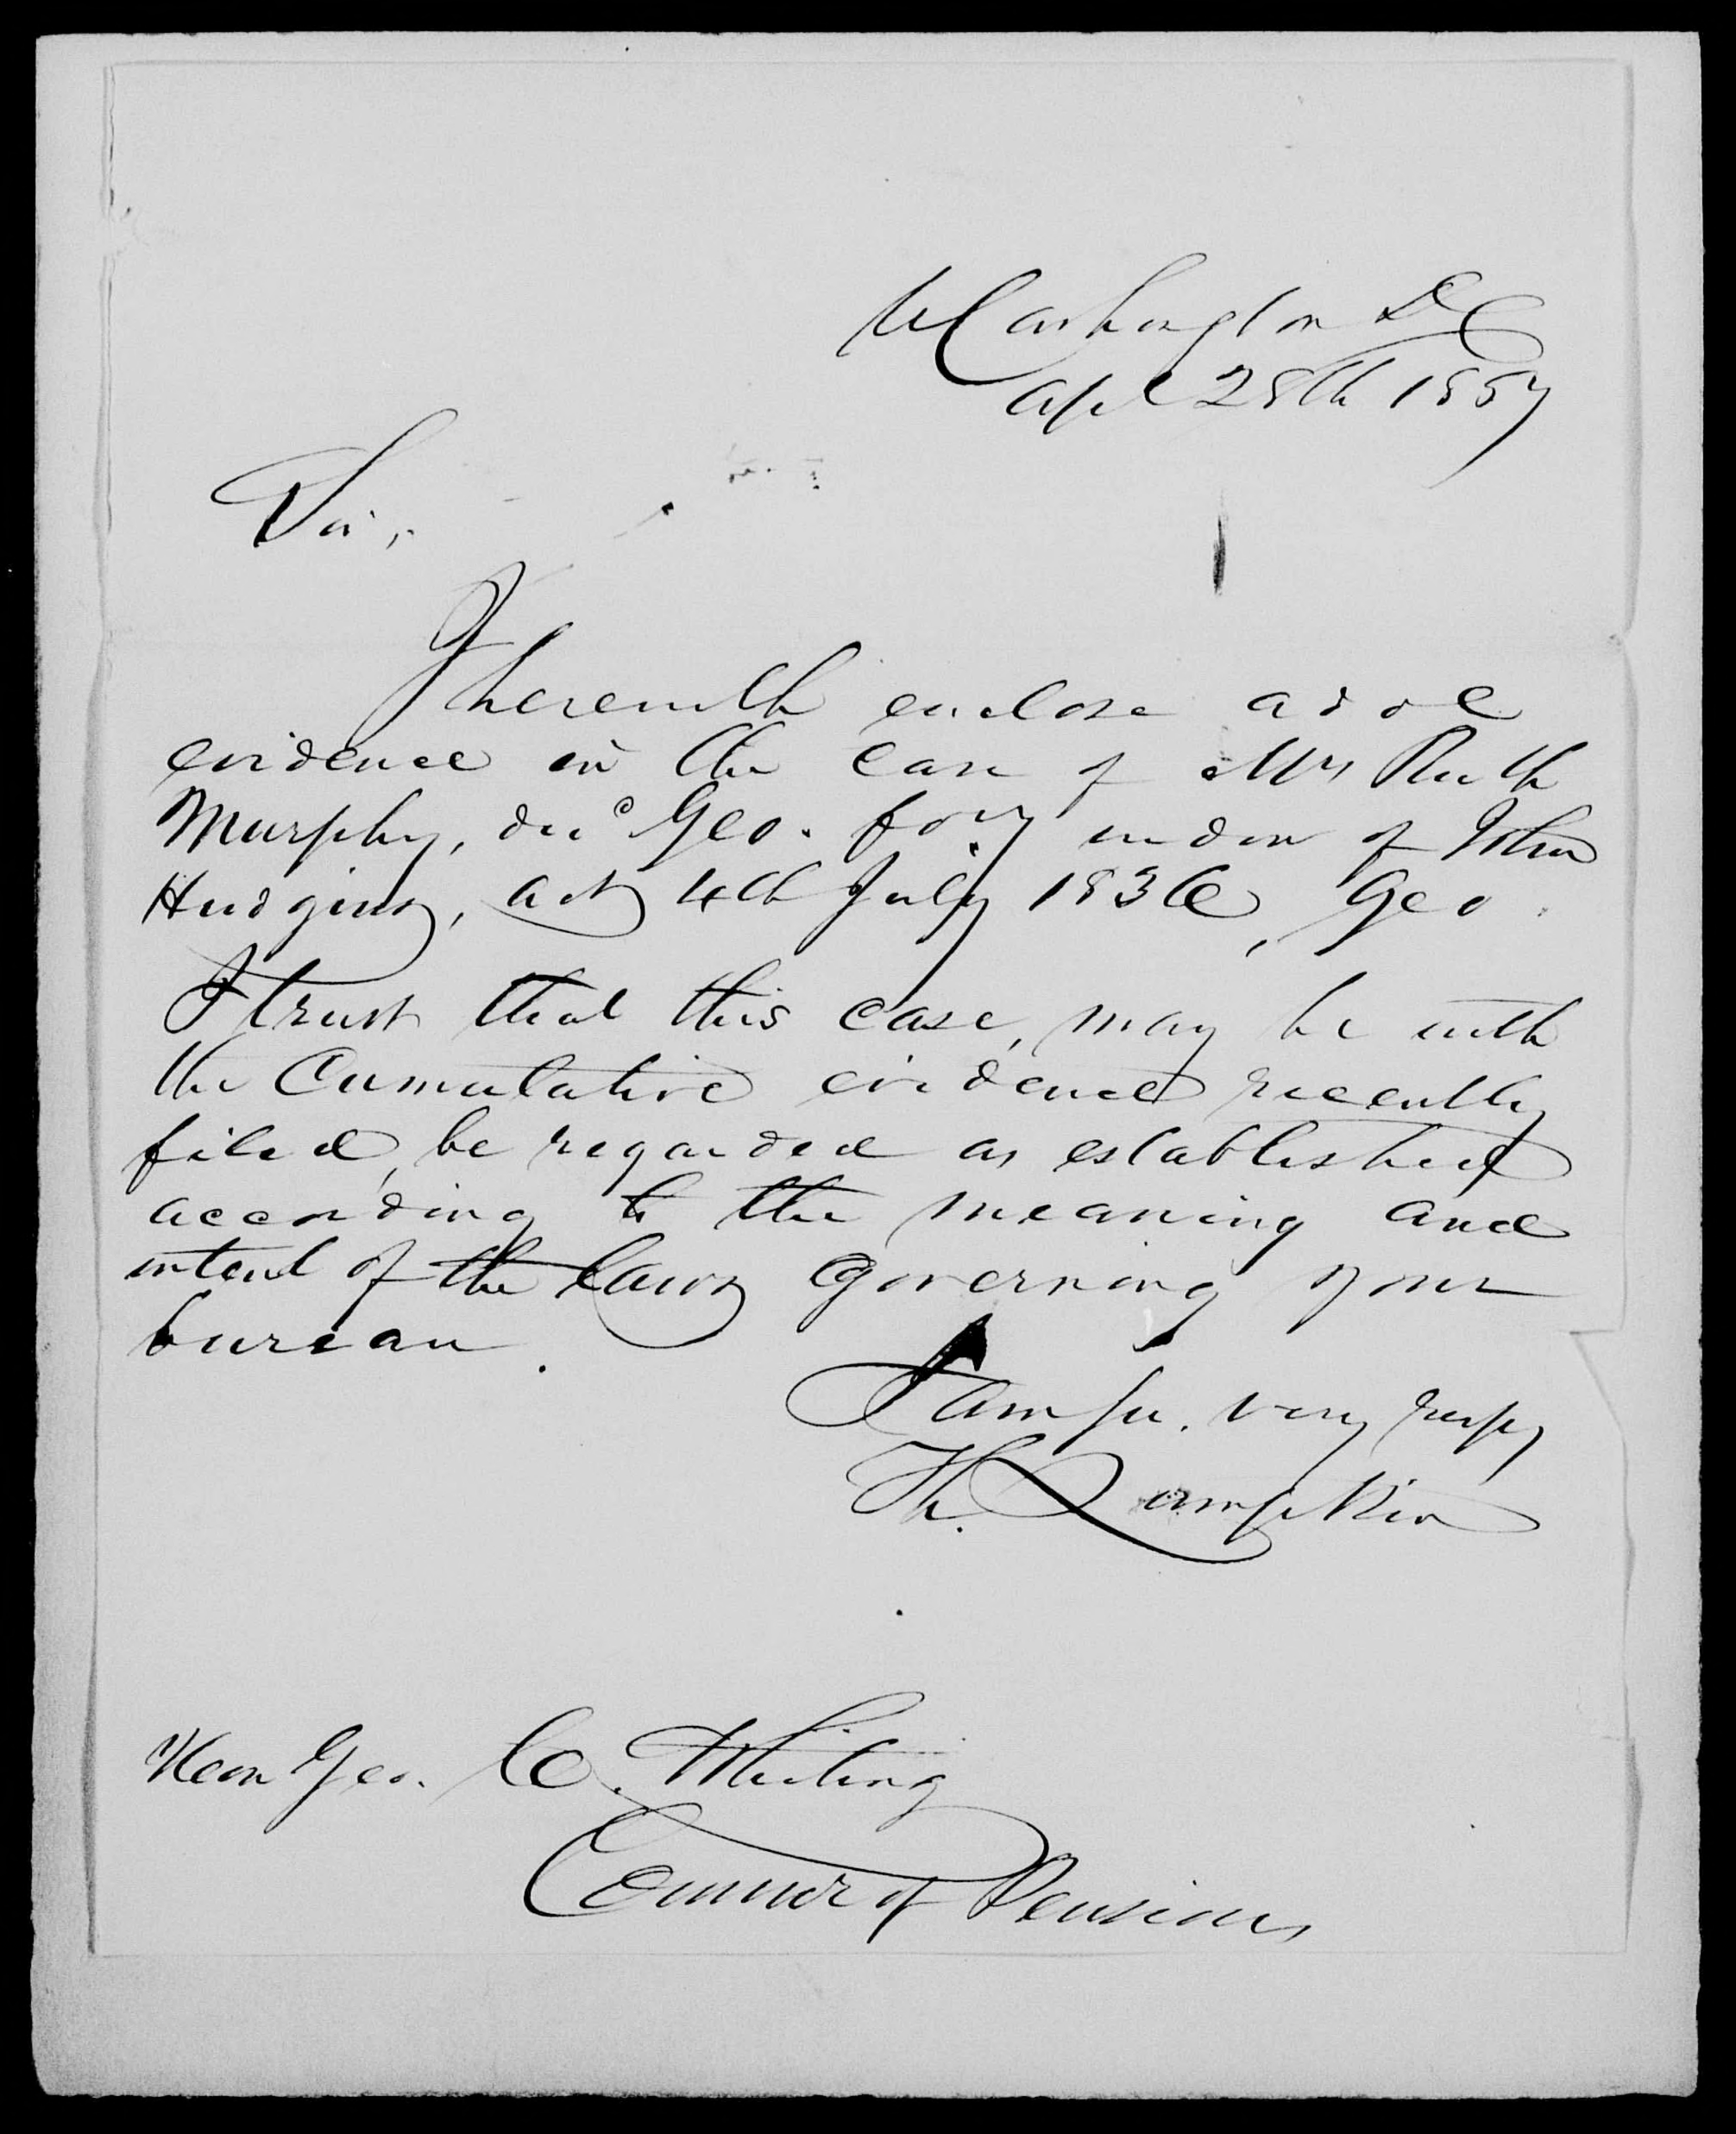Washington D.C.
April 25th 1857

Sir
I herewith enclose as evidence in the case of Mrs Ruth Murphy and Gen. Fory under of John Hudgins, Act 4th July 1836, Gen

I trust that this case, may be with the cumulative evidence recently filed be regarded as established according to the meaning and intent of the laws concerning your bureau.

I am yours very truly Th. Lumpkin
Hon Geo C Whiting
Comm of Pensions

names: Th Lumpkin, John Hudgins, Ruth Murphy, Geo C Whiting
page: 33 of 108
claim: rejected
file: R. 7,515, John Hudgins, N.C.